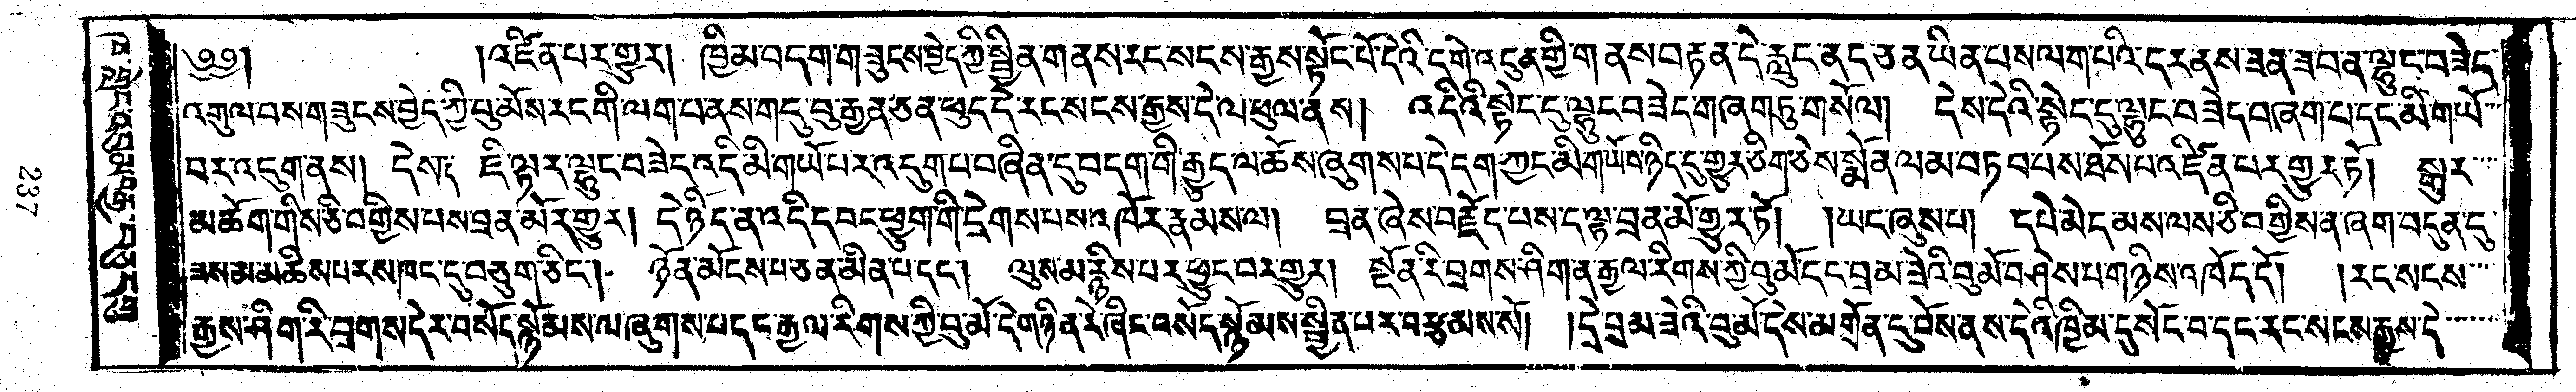༄༅། །འཛིན་པར་གྱུར། ཁྱིམ་བདག་གཟུངས་བྱེད་ཀྱི་སྦྱིན་གནས་རང་སངས་རྒྱས་སྟོང་པོ་དེའི་དགེ་འདུན་གྱི་གནས་བརྟན་དེ་རླུང་ནད་ཅན་ཡིན་པས་ལག་པའི་དར་ནས་ཟན་ཟབ་ན་ལྷུང་བཟེད་
འགུལ་བས་གཟུངས་བྱེད་ཀྱི་པུ་མོས་རང་གི་ལག་པ་ནས་གདུ་བུ་རྒྱན་ཅན་ཕུད་དེ་རང་སངས་རྒྱས་དེ་ལ་ཕུལ་ནས། འདིའི་སྟེང་དུ་ལྷུང་བཟེད་གཞག་ཏུ་གསོལ། དེས་དེའི་སྟེང་དུ་ལྷུང་བཟེད་བཞག་པ་དང་མི་གཡོ་
བར་འདུག་ནས། དེས༑ ཇི་ལྟར་ལྷུང་བཟེད་འདི་མི་གཡོ་པར་འདུག་པ་བཞིན་དུ་བདག་གི་རྒྱུད་ལ་ཆོས་ཞུགས་པ་དེ་དག་ཀྱང་མི་གཡོ་བ་ཉིད་དུ་གྱུར་ཅིག་ཅེས་སྨོན་ལམ་བཏབ་པས་ཐོས་པ་འཛིན་པར་གྱུར་ཏོ། སྒུར་
མཆོག་གིས་ཅི་བགྱིས་པས་བྲན་མོར་གྱུར། དེ་ཉིད་ན་འདི་དབང་ཕྱུག་གི་དྲེགས་པས་འཁོར་རྣམས་ལ། བྲན་ཞེས་བརྗོད་པས་ད་ལྟ་བྲན་མོ་གྱུར་ཏོ། །ཡང་ཞུས་པ། དཔེ་མེད་མས་ལས་ཅི་བགྱིས་ན་ཞག་བདུན་དུ་
ཟས་མ་མཆིས་པ་རས་ཁང་དུ་བཅུག་ཅིང་། ཉོན་མོངས་པ་ཅན་མིན་པ་དང་། ལུས་མ་རྙིས་པར་ཕྱུང་བར་གྱུར། སྔོན་རི་བྲགས་ཤིག་ན་རྒྱལ་རིགས་ཀྱི་བུ་མོ་དང་བྲམ་ཟེའི་བུ་མོ་བཤེས་པ་གཉིས་འཁོད་དོ། །རང་སངས་
རྒྱས་ཤིག་རི་བྲགས་དེར་བསོད་སྙོམས་ལ་ཞུགས་པ་དང་རྒྱལ་རིགས་ཀྱི་བུ་མོ་དེ་གཉིན་རེ་ཞིང་བསོད་སྙོམས་སྦྱིན་པར་བརྩམས་སོ། །དྲེ་བྲམ་ཟེའི་བུ་མོ་དེས་མགྲོན་དུ་བོས་ནས་དེའི་ཁྱིམ་དུ་སོང་བ་དང་རང་སངས་རྒྱས་དེ་